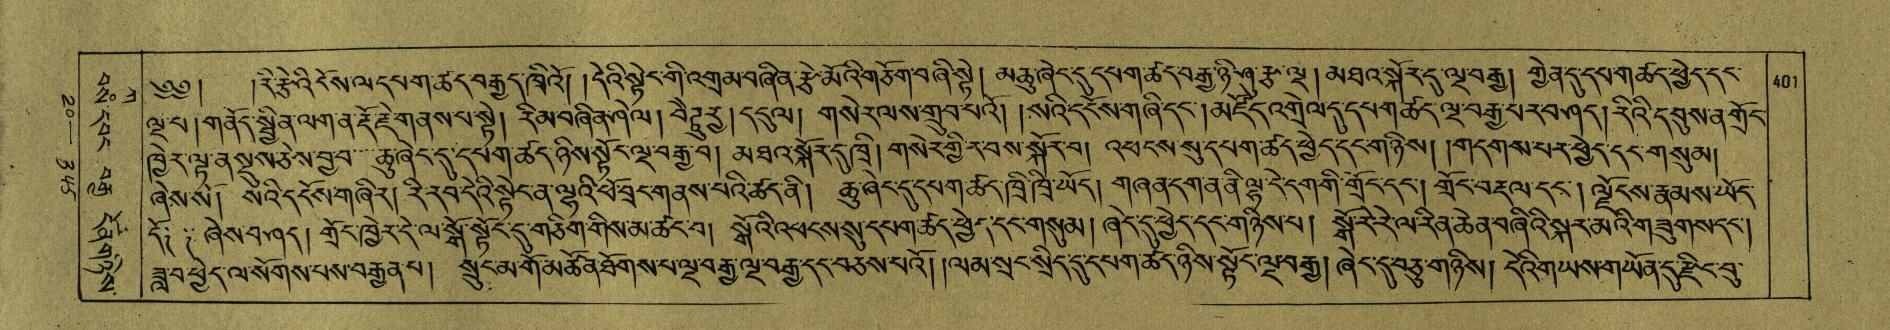༄༅། །རི་རྩེའི་ངོས་ལ་དཔག་ཚད་བརྒྱད་ཁྲིའོ། །དེའི་སྟེང་གི་འགྲམ་བཞིན་རྩེ་མོའི་གཅོག་བཞི་སྟེ། མཆུ་ཞེང་དུ་དཔག་ཚད་བརྒྱ་ཉི་ཤུ་རྩ་ལྔ། མཐའ་སྐོར་དུ་ལྔ་བརྒྱ། གྱེན་དུ་དཔག་ཚད་ཕྱེད་དང་
ལྔ་པ། གནོད་སྦྱིན་ལག་ན་རྡོ་རྗེ་གནས་པ་སྟེ། རིམ་བཞིན་ཤེལ། བཻཌཱུརྱ། དངུལ། གསེར་ལས་གྲུབ་པའོ། །སའི་དངོས་གཞི་དང་། མཛོད་འགྲེལ་དུ་དཔག་ཚད་ལྔ་བརྒྱ་པར་བཤད། རིའི་དབུས་ན་གྲོང་
ཁྱེར་ལྟ་ན་སྡུས་ཅེས་བྱ་བ་ཆུ་ཞེང་དུ་དཔག་ཚད་ཉིས་སྟོང་ལྔ་བརྒྱ་བ། མཐའ་སྐོར་དུ་ཁྲི། གསེར་གྱི་ར་བས་སྐོར་བ། འཕངས་སུ་དཔག་ཚད་ཕྱེད་དང་གཉིས། །གདགས་པར་ཕྱེད་དང་གསུམ།
ཞེས་སོ། །སའི་དངོས་གཞིར། རི་རབ་དེའི་སྟེང་ན་ལྷའི་ཕོ་བྲང་གནས་པའི་ཚད་ནི། ཆུ་ཞེང་དུ་དཔག་ཚད་ཁྲི་ཁྲི་ཡོད། གཞན་དག་ན་ནི་ལྷ་དེ་དག་གི་གྲོང་དང་། གྲོང་བརྡལ་དང་། ལྗོངས་རྣམས་ཡོད་
དོ༑ ༑ཞེས་བཤད། གྲོང་ཁྱེར་དེ་ལ་སྒོ་སྟོང་དུ་གཅིག་གིས་མ་ཚང་བ། སྒོའི་འཕངས་སུ་དཔག་ཚད་ཕྱེད་དང་གསུམ། ཞེང་དུ་ཕྱེད་དང་གཉིས་པ། སྒོ་རེ་རེ་ལ་རིན་ཆེན་བཞིའི་སྐར་མའི་གཟུགས་དང་།
ཟླ་བ་ཕྱེད་ལ་སོགས་པས་བརྒྱན་པ། སྲུང་མ་གོ་མཚོན་ཐོགས་པ་ལྔ་བརྒྱ་ལྔ་བརྒྱ་དང་བཅས་པའོ། །ལམ་སྲང་སྲིད་དུ་དཔག་ཚད་ཉིས་སྟོང་ལྔ་བརྒྱ། ཞེང་དུ་བཅུ་གཉིས། དེའི་གཡས་གཡོན་དུ་རྫིང་བུ་